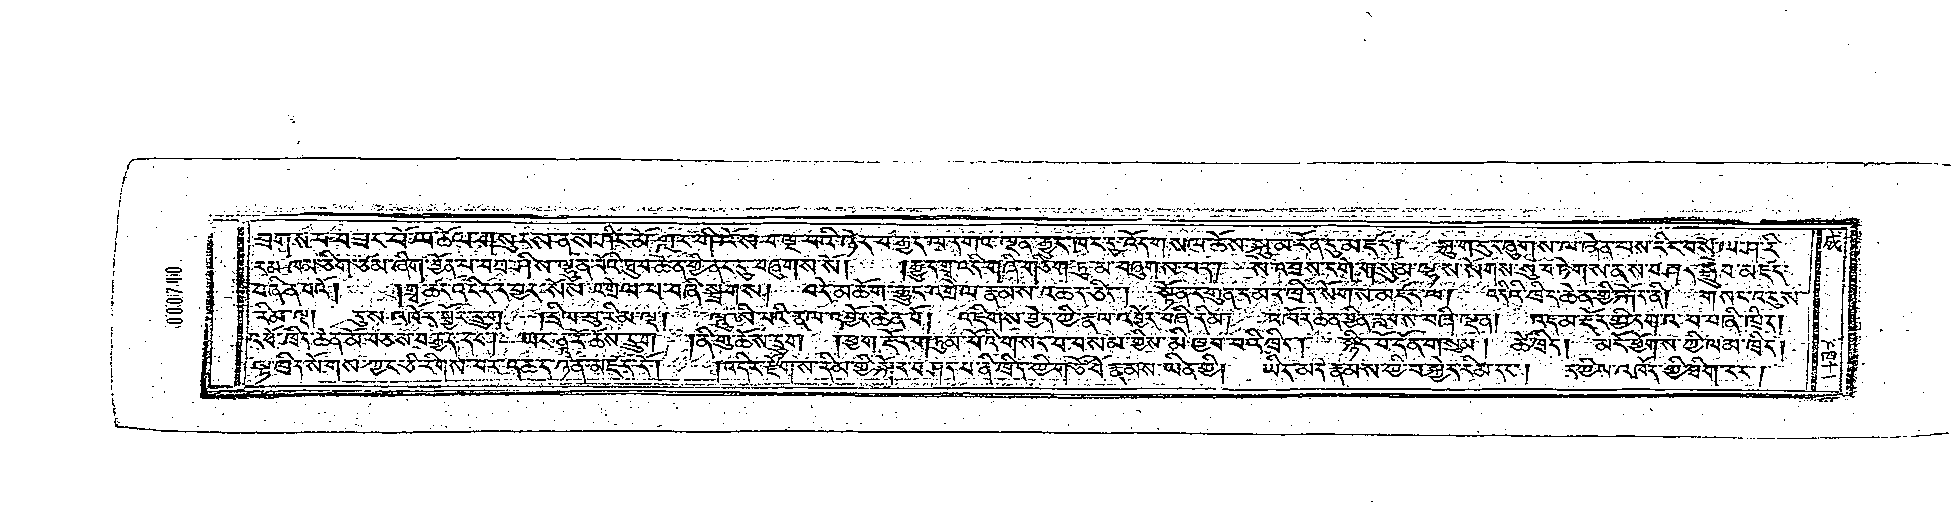གྲགས་པ་བཟང་བོ་ལ་ཆོས་གསུངས་ནས་ཤིང་མོ་གླང་གི་འོས་བ་ལྔ་པའི་ཉེར་བརྒྱད་ལ་དགའ་ལྡན་རྒྱུད་ཁང་དུ་འོད་གསལ་ཆོས་སྐུ་མངོན་དུ་མཛད། སྐུ་གདུང་ཞུགས་ལ་ཞེན་པས་རིང་བསྲེལ་ཤ་རི་
རམ་ཁམ་ཅིག་ཙམ་ཞིག་བྱོན་པ་བཀྲ་ཤིས་ལྷུན་བོའི་ཐུབ་ཆེན་གྱི་ནང་དུ་བཞུགས་སོ། །རྒྱུད་གྲྭ་འདི་གཞི་གཅིག་ཏུ་མ་བཞུགས་པར། ས་འབྲས་དགེ་གསུམ་ལྷས་སོགས་སུ་བཏེགས་ནས་བཤད་སྒྲུབ་མཛད་
བཞིན་པའོ། །གྲྭ་ཚང་འདིར་དབྱར་སོས་འགྲེལ་པ་བཞི་སྦྲགས། བདེ་མཆོག་རྒྱུད་འགྲེལ་རྣམས་འཆད་ཅིང་། སྟོན་དགུན་དམར་ཁྲིད་སོགས་མཛད་ལ། འདིའི་ཁྲིད་ཆེན་གྱི་སྐོར་ནི། གསང་འདུས་
རིམ་ལྔ། དུས་འཁོར་སྦྱོར་དྲུག །དྲིལ་བུ་རིམ་ལྔ། ལཱུ་ཨི་པའི་རྣལ་འབྱོར་ཆེན་པོ། འཇིགས་བྱེད་ཀྱི་རྣལ་འབྱོར་བཞི་རིམ། འཁོར་ཆེན་བྱིན་རླབས་བཞི་ལྡན། འཇམ་རྡོར་གྱི་དགའ་བ་བཞི་ཁྲིད།
འཕོ་ཁྲིད་ཆེན་མོ་བཅས་བརྒྱད་དང་། ཡང་ནཱ་རོ་ཆོས་དྲུག །ནི་གུ་ཆོས་དྲུག །ཕྱག་རྡོར་གཏུམ་པོའི་གསང་བ་བསམ་གྱིས་མི་ཁྱབ་བའི་ཁྲིད། སྙིང་པོ་དོན་གསུམ། ཚེ་ཁྲིད། མདོ་ཕྱོགས་ཀྱི་ལམ་ཁྲིད།
ལྟ་ཁྲིད་སོགས་ཀྱང་ཅི་རིགས་པར་འཆད་ཉན་མཛད་དོ། །འདིར་རྫོགས་རིམ་གྱི་སྐོར་བཤད་པ་ནི་ཁྲིད་ཀྱི་གཙོ་བོ་རྣམས་ཡིན་གྱི། ཡིད་མ་དེ་རྣམས་ཀྱི་བསྐྱེད་རིམ་དང་། དཀྱིལ་འཁོར་གྱི་ཐིག་དང་